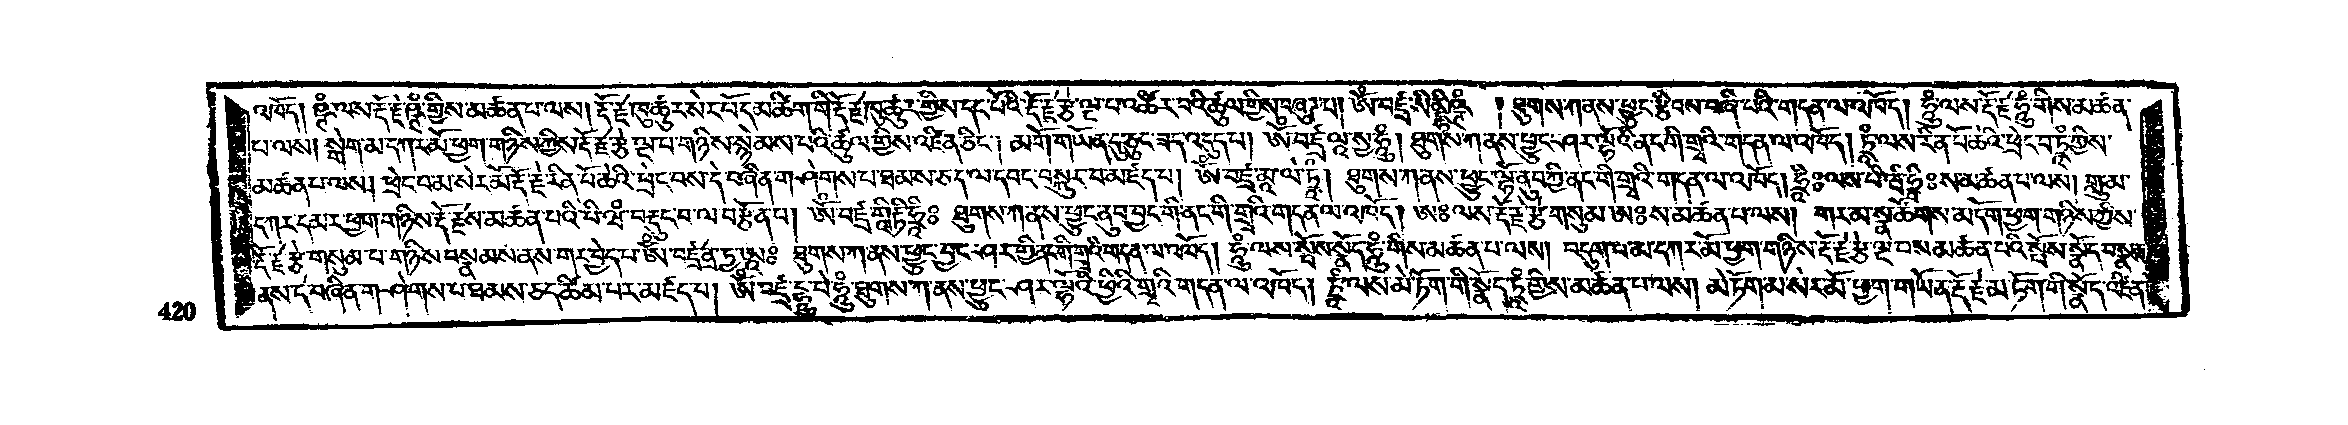འཁོད། ཥྚཾ་ལས་རྡོ་རྗེ་ཥྚཾ་གྱིས་མཚན་པ་ལས། རྡོ་རྗེ་ཁུ་ཚུར་སེར་པོ་དམ་ཚིག་གི་རྡོ་རྗེ་ཁུ་ཚུར་གྱིས་དང་པོའི་རྡོ་རྗེ་རྩེ་ལྔ་པ་འཆིར་བའི་ཚུལ་གྱིས་བཞུགས་པ། ཨོཾ་བཛྲ་སིནྡྷི་ཥྚཾ། ཐུགས་ཀ་ནས་ཕྱུང་རྩིབས་བཞི་པའི་གདན་ལ་འཁོད། ཧཱུཾ་ལས་རྡོ་རྗེ་ཧཱུཾ་གིས་མཚན་
པ་ལས། སྒེག་མ་དཀར་མོ་ཕྱག་གཉིས་ཀྱིས་རྡོ་རྗེ་རྩེ་ལྔ་པ་གཉིས་སྙེམས་པའི་ཚུལ་གྱིས་འཛིན་ཅིང་། མགོ་གཡོན་དུ་ཅུང་ཟད་འདུད་པ། ཨོཾ་བཛྲ་ལཱ་སྱ་ཧཱུཾ། ཐུགས་ཀ་ནས་ཕྱུང་ཤར་ལྷོའི་ནང་གི་གྲྭའི་གདན་ལ་འཁོད། ཏྲཱཾ་ལས་རིན་པོ་ཆེའི་ཕྲེང་བ་ཏྲཱཾ་གྱིས་
མཚན་པ་ལས། ཕྲེང་བ་མ་སེར་མོ་རྡོ་རྗེ་རིན་པོ་ཆེའི་ཕྲེང་བས་དེ་བཞིན་གཤེགས་པ་ཐམས་ཅད་ལ་དབང་བསྐུར་བ་མཛད་པ། ཨོཾ་བཛྲ་མཱ་ལེ་ཏྲཱཾ། ཐུགས་ཀ་ནས་ཕྱུང་ལྷོ་ནུབ་ཀྱི་ནང་གི་གྲྭའི་གདན་ལ་འཁོད། ཧྲཱིཿ ལས་པི་ཝཾ་ཧྲཱིཿ ས་མཚན་པ་ལས། གླུ་མ་
དཀར་དམར་ཕྱག་གཉིས་རྡོ་རྗེས་མཚན་པའི་པི་ཝཾ། བརྡུང་བ་ལ་བརྩོན་པ། ཨོཾ་བཛྲ་གླིརྟི་ཧྲཱིཿ ཐུགས་ཀ་ནས་ཕྱུང་ནུབ་བྱང་གི་ནང་གི་གྲྭའི་གདན་ལ་འཁོད། ཨཿ ལས་རྡོ་རྗེ་རྩེ་གསུམ་ཨཿ ས་མཚན་པ་ལས། གར་མ་སྣ་ཚོགས་མདོག་ཕྱག་གཉིས་ཀྱིས་
རྡོ་རྗེ་རྩེ་གསུམ་པ་གཉིས་བསྣམས་ནས་གར་བྱེད་པ་ཨོཾ་བཛྲ་ནྲ་དྱ་ཨཱཿ ཐུགས་ཀ་ནས་ཕྱུང་བྱང་ཤར་གྱི་ནང་གི་གྲྭའི་གདན་ལ་འཁོད། ཧཱུཾ་ལས་སྤོས་སྣོད་ཧཱུཾ་གིས་མཚན་པ་ལས། བདུག་པ་མ་དཀར་མོ་ཕྱག་གཉིས་རྡོ་རྗེ་རྩེ་ལྔ་པས་མཚན་པའི་སྤོས་སྣོད་བསྣམས་
ནས་དེ་བཞིན་གཤེགས་པ་ཐམས་ཅད་ཚིམ་པར་མཛད་པ། ཨོཾ་བཛྲ་དྷཱུཾ་པི་ཧཱུཾ་ཐུགས་ཀ་ནས་ཕྱུང་ཤར་ལྷོའི་ཕྱིའི་གྲྭའི་གདན་ལ་འཁོད། ཏྲཱཾ་ལས་མེ་ཏོག་གི་སྣོད་ཏྲཱཾ་གྱིས་མཚན་པ་ལས། མེ་ཏོག་མ་སེར་མོ་ཕྱག་གཡོན་རྡོ་རྗེ་མེ་ཏོག་གི་སྣོད་འཛིན་